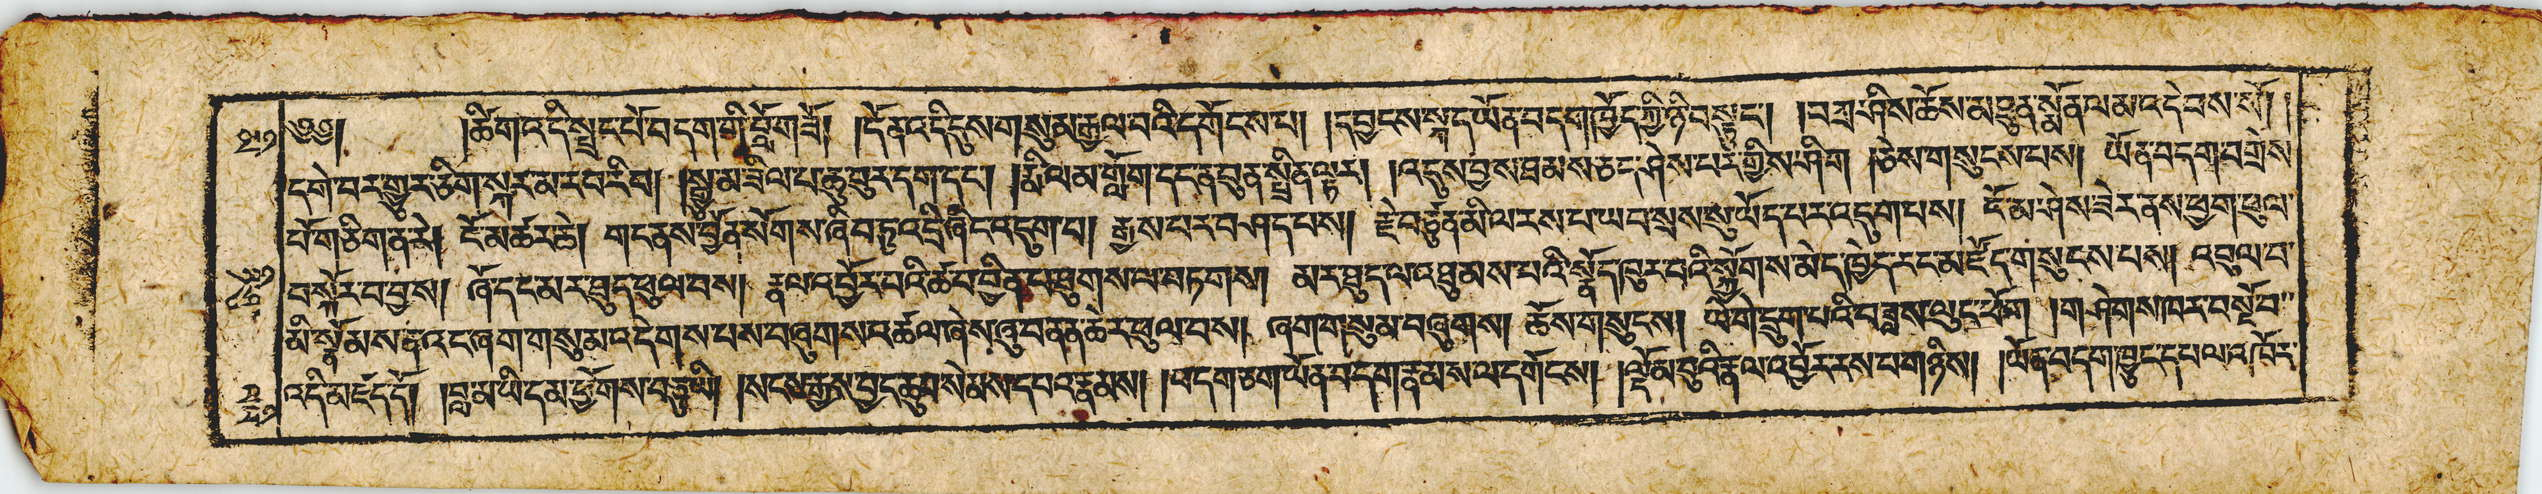ཚིག་འདི་སྦྲང་པོ་བདག་གི་བློ་གཟོ། །དོན་འདི་དུས་གསུམ་རྒྱལ་བའི་དགོངས་པ། །དབྱངས་སྐད་ཡོན་བདག་ཁྱོད་ཀྱི་ཉི་བསྟུང་། །བཀྲ་ཤིས་ཆོས་མཐུན་སྨོན་ལམ་འདེབས་སོ། །
དགེ་བར་གྱུར་ཅིག་སྐར་མ་རབ་རིབ། སྐུ་མ་ཟིལ་པ་ཆུ་བུར་དག་དང་། །རྨི་ལམ་གློག་དང་ན་བུན་སྤྲིན་ལྟར། །འདུས་བྱས་ཐམས་ཅད་ཤེས་པར་གྱིས་ཤིག །ཅེས་གསུངས་པས། ཡོན་བདག་བགྲེས་
པོ་གཅིག་ན་རེ། ངོམཚར་ཆེ། གང་ནས་བྱོན་སོགས་ཞིབ་ཏུའདྲི་ཞིང་འདུག་པ། རྒྱས་པར་བཤད་པས། རྗེ་བཙུན་མི་ལ་རས་པ་ཡབ་སྲས་སུ་ཡོད་པར་འདུག་པས། ངོ་མ་ཤེས་ཟེར་ནས་ཕྱག་ཕུལ་
བསྐོར་བ་བྱས། ཞོ་དང་མར་ཐུད་ཕུལ་བས། རྣལ་འབྱོར་བའི་ཚ་བ་བྱིན་མཐུགས་ལ་བཏགས། མར་ཐུད་ལ་འཐུམས་པའི་སྣོད་ཁུར་བའི་སྐྱོགས་མེད་ཁྱེད་རང་མཛོད་གསུངས་པས། འབུལ་བ་
མི་སྣོམས་ནའང་ཞག་གསུམ་འདེགས་པས་བཞུགས་འཚལ་ཞེས་ཞུ་བ་ནན་ཆེར་ཕུལ་བས། ཞག་གསུམ་བཞུགས། ཆོས་གསུངས། ཡི་གེ་དྲུག་པའི་བཟླས་ལུང་ཕོག །གཤེགས་ཁར་བསྔོ་བ་
འདི་མཛད་དོ། །བླ་མ་ཡི་དམ་ཕྱོགས་བཅུ་ཡི། །སངས་རྒྱས་བྱང་ཆུབ་སེམས་དབའ་རྣམས། །བདག་ཅག་ཡོན་བདག་རྣམས་ལ་དགོངས། །ལྡོམ་བུའི་རྣལ་འབྱོརརས་པ་གཉིས། །ཡོན་བདག་ཁྱུང་དཔལ་འཁོར་